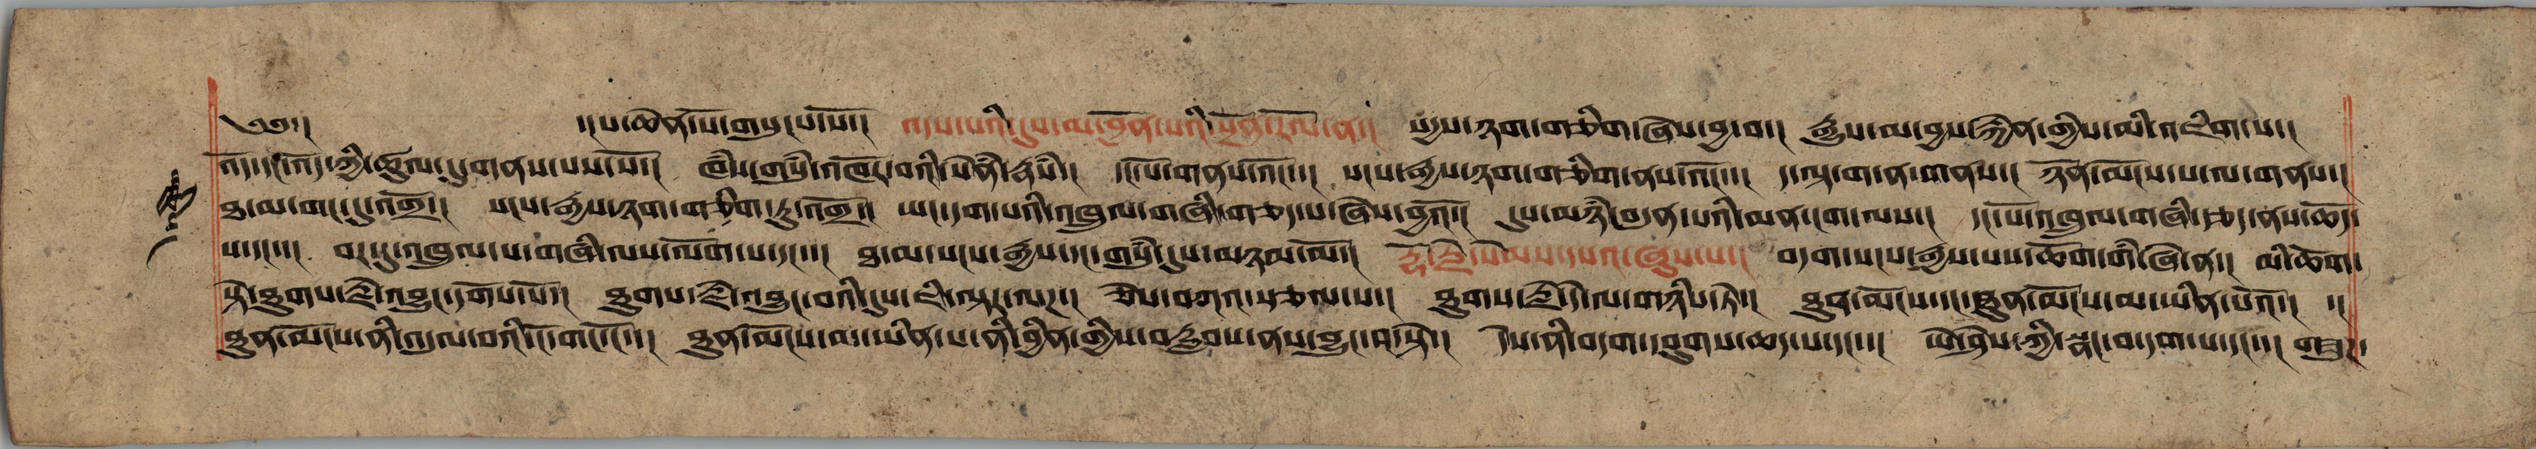༄༅་། ་།པ་ཆེན་པོ་གསུངས་སོ་། འདས་པའི་དུས་མ་བྱོན་པའི་སྔོན་རོལ་ན་། སདྱས་ཉག་གཅིག་ཞེས་བྱ་བ་། རྒྱུས་མ་བྱས་རྐྱེན་གྱིས་མི་འཇིག་པ་།
འོད་དང་འོད་ཀྱི་ཚུལ་དུ་གནས་པས་སོ་། ཁཾས་གསུཾ་འཁོར་བའི་སེཾན་རྣཾས་། དང་པོ་གནས་འོང་་། སངས་རྒྱས་ཉག་གཅིག་ནས་འོང་་། ད་ལྟ་ག་ན་གནས་། ཉོན་མོངས་པ་ལ་གནས་།
ཐ་མ་གང་དུ་འགྲོ་། སངས་རྒྱས་ཉག་གཅིག་ཏུ་འགྲོ་། ཡང་དག་པའི་འཁྲུལ་གཞི་གཅད་པ་ཞེས་བྱའོ་། དུས་མཉཾ་བདུན་པའི་མན་ངག་ལས་། དང་པོ་འཁྲུལ་གཞི་རྩད་ནས་ཆོད་
པ་དང་་། བར་དུ་འཁྲུལ་པ་གཞི་ལས་ལོག་པ་དང་་། ཐ་མ་སངས་རྒྱས་དང་གསུཾ་དུས་མཉམ་མོ་། རྡོ་རྗེ་སེམས་དཔའ་ཞུས་པ་། བདག་སངས་རྒྱས་པས་ཆོག་གི་ཞེ་ན་། མི་ཆོག་
སྟེ་ཐུགས་རྗེ་འབྱུང་དགོས་སོ་།། ཐུགས་རྗེ་འཐུང་བའི་དུས་ཇི་ལྟར་ལཌ་། ཅེས་བཀའ་སྩལ་པ་། ཐུགས་རྗེ་དེ་ལ་གཉིས་ཏེ་། ཐུན་མོངས་དང་ཐུན་མོངས་མ་ཡིན་པའོ་། ་།
ཐུན་མོངས་ནི་འདུལ་བའི་ངོ་གང་ངོ་་། ཐུན་མོངས་མ་ཡིན་པ་ནི་བྱིན་གྱིས་བརླབས་ནས་བྱུང་བ་སྟེ་། དེས་ནི་བདག་དབུགས་ཆད་པ་དང་་། ཡེ་ཤེས་ཀྱི་སྣང་བ་དག་པ་དང་་། གཟུཌ་